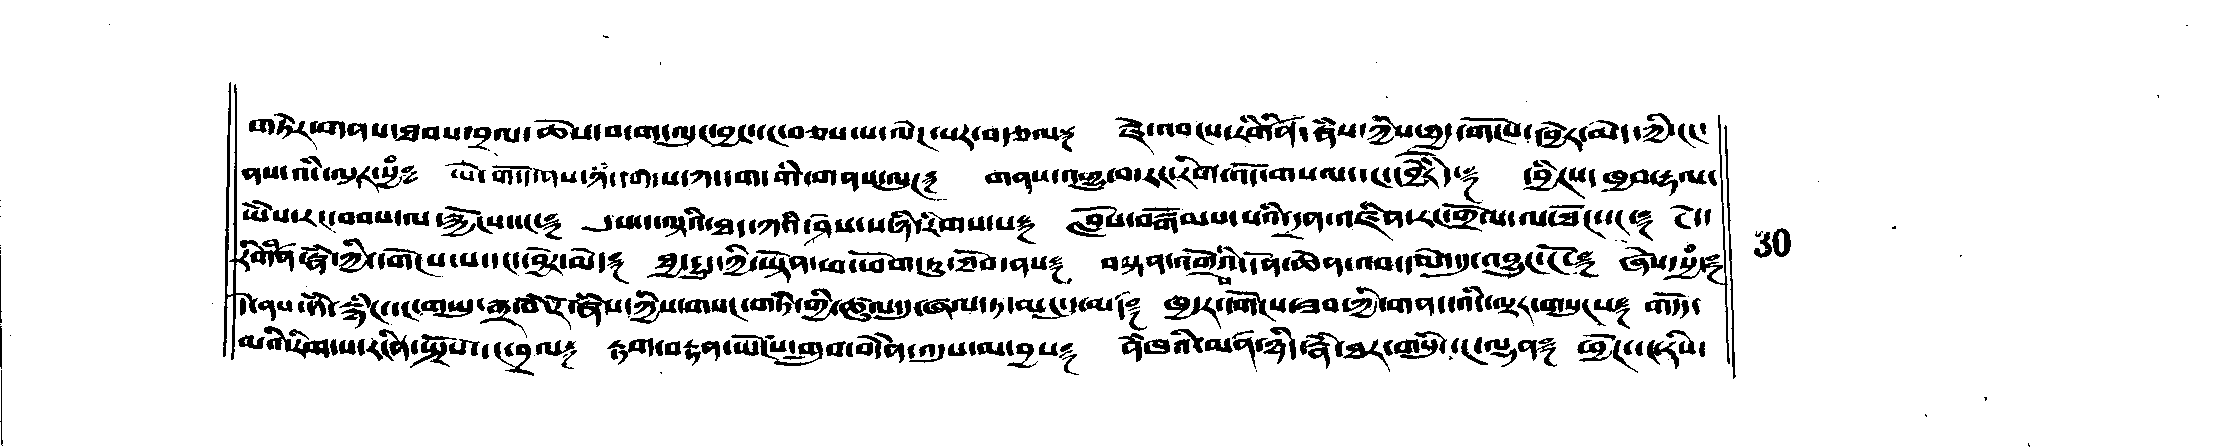གཏེར་གནས་ཐབས་བྲལ་ཆོས་བདག་ལུང་བྱང་དང་བཅས་པ་ལེགས་པར་བསྩལ། རྗེ་འབངས་རིག་འཛིན་རྣམས་ཀྱིས་ཐུགས་དགོངས་དབྱེར་མེད་ཀྱི་ངང་
ནས་འདི་ལྟར་གསུངས། ཡེ་གདོད་ནས་དག་པ་ཀ་དག་གི་གནས་ལུགས། །གནས་འགྱུ་བ་རང་གི་འོད་གསལ་དང་དབྱེར་མེད། །དབྱིངས་ཁྱབ་བརྡལ་
ཡེ་ཤེས་རང་བབས་ལ་སྐྱོངས་དང་། །དུས་ད་ལྟའི་ཐད་ཀའི་ཤེས་པ་ཉིད་རིག་པ། །བློས་བསྒོམ་པའི་དྲན་འཛིན་རང་གྲོལ་ལ་ཐོང་དང་། །
ངེད་རིག་འཛིན་རྣམས་ཀྱི་དགོངས་པ་དང་དབྱེར་མེད། །ཐུགས་རྒྱུད་ཀྱི་ཡོན་ཏན་ཕ་ཕོག་ཏུ་ཐོབ་ནས། །བསྟན་འགྲོའི་དོན་ཆེན་འབད་མེད་དུ་འབྱུང་ངོ་། །ཞེས་གསུངས། 
དེ་ནས་ནམ་སྙིང་དང་གཡུ་སྒྲ་བཻ་རོ་རྣམས་ཀྱིས་གསང་གཏམ་གྱི་ཚུལ་དུ་ཞལ་ཏ་མང་དུ་མཛད། ཁྱད་པར་དགོངས་ཟབ་ཀྱི་གནད་འདི་ལྟར་གསུངས། གདོད་
མའི་རིག་པ་རང་བཞིན་སྤྲོས་དང་བྲལ། །རྟག་བརྟན་ཡོངས་གྲུབ་བདེ་ཆེན་འདུས་མ་བྱས། །ནམ་མཁའི་མཚན་ཉིད་རྣམ་ཐར་གསུམ་དང་ལྡན། །ཕྱོགས་དང་རིས་